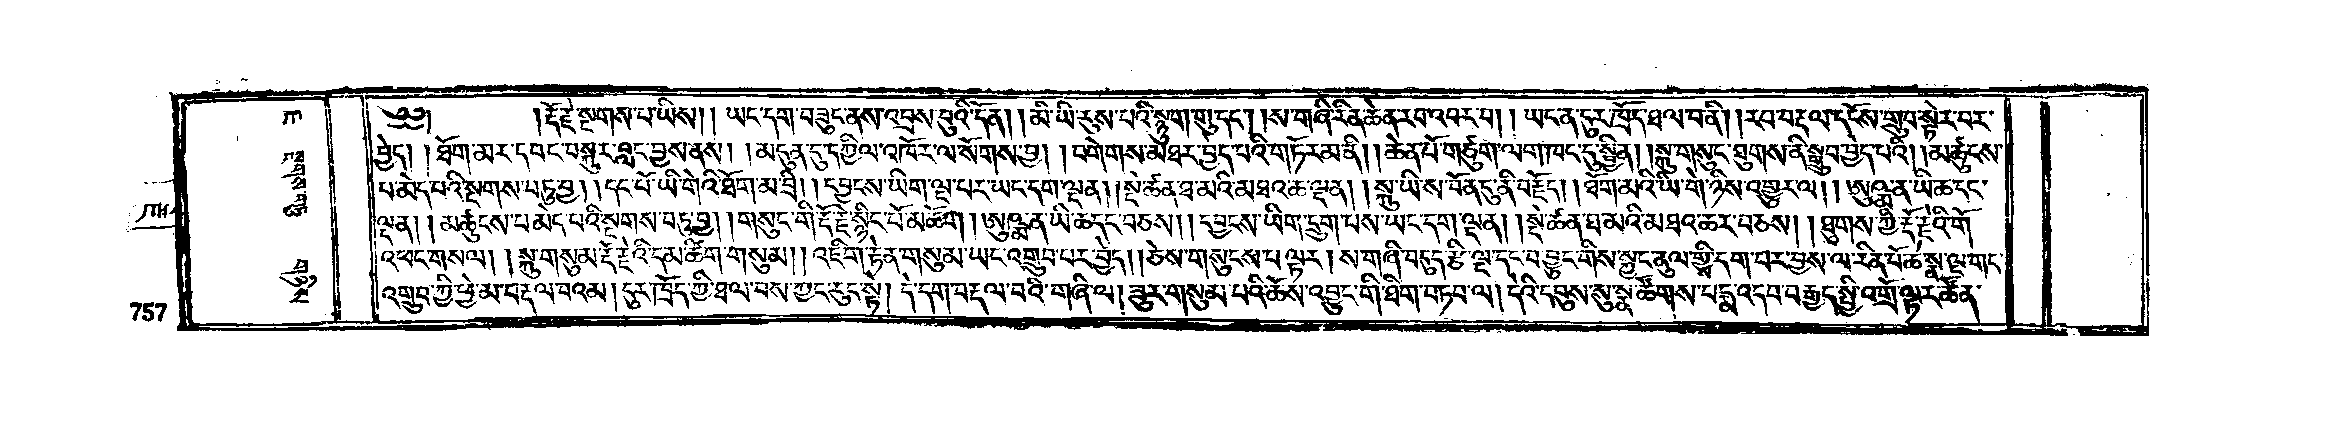༄༅། །རྡོ་རྗེ་སྔགས་པ་ཡིས། །ཡང་དག་བཟུང་ནས་འབྲས་བུའི་དོན། །མི་ཡི་རུས་པའི་སྙུག་གུ་དང་། །ས་གཞི་རིན་ཆེན་རབ་འབར་བ། །ཡང་ན་དུར་ཁྲོད་ཐལ་བ་ནི། །རབ་བརྡལ་དངོས་གྲུབ་སྟེར་བར་
བྱེད། །ཐོག་མར་དབང་བསྐུར་བླང་བྱས་ནས། །མདུན་དུ་དཀྱིལ་འཁོར་ལ་སོགས་བྱ། །བགེགས་མཐར་བྱེད་པའི་གཏོར་མ་ནི། །ཆེན་པོ་གཙུག་ལག་ཁང་དུ་སྦྱིན། །སྐུ་གསུང་ཐུགས་ནི་སྒྲུབ་བྱེད་པའི། །མཚུངས་
པ་མེད་པའི་སྔགས་བཏུ་བྱ། །དང་པོ་ཡི་གེའི་ཐོག་མ་བྲི། །དབྱངས་ཡིག་ལྔ་པར་ཡང་དག་ལྡན། །སྡེ་ཚན་ཐ་མའི་མཐའ་ཆ་ལྡན། །སྐུ་ཡི་ས་བོན་དུ་ནི་བརྗོད། །ཐོག་མའི་ཡི་གེ་ཉིས་འགྱུར་ལ། །ཨུཥྨ་ན་ཡི་ཆ་དང་
ལྡན། །མཚུངས་པ་མེད་པའི་སྔགས་བཏུ་བྱ། །གསུང་གི་རྡོ་རྗེ་སྙིང་པོ་མཆོག །ཨུཥྨ་ན་ཡི་ཆ་དང་བཅས། །དབྱངས་ཡིག་དྲུག་པས་ཡང་དག་ལྡན། །སྡེ་ཚན་ཐ་མའི་མཐའ་ཆར་བཅས། །ཐུགས་ཀྱི་རྡོ་རྗེའི་གོ་
འཕང་གསལ། །སྐུ་གསུམ་རྡོ་རྗེའི་དམ་ཚིག་གསུམ། །འཇིག་རྟེན་གསུམ་ཡང་འགྲུབ་པར་བྱེད། །ཅེས་གསུངས་པ་ལྟར། ས་གཞི་བདུད་རྩི་ལྔ་དང་བ་བྱུང་གིས་སྐྱང་ནུལ་གྱིས་དག་པར་བྱས་ལ་རིན་པོ་ཆེ་སྣ་ལྔ་གང་
འགྲུབ་ཀྱི་ཕྱེ་མ་བརྡལ་བའམ། དུར་ཁྲོད་ཀྱི་ཐལ་བས་ཀྱང་རུང་སྟེ། དེ་དག་བརྡལ་བའི་གཞི་ལ། ཟུར་གསུམ་པའི་ཆོས་འབྱུང་གི་ཐིག་བཏབ་ལ། དེའི་དབུས་སུ་སྣ་ཚོགས་པདམ་འདབ་བརྒྱད་སྤྱི་འགྲོ་ལྟར་ཚོན་